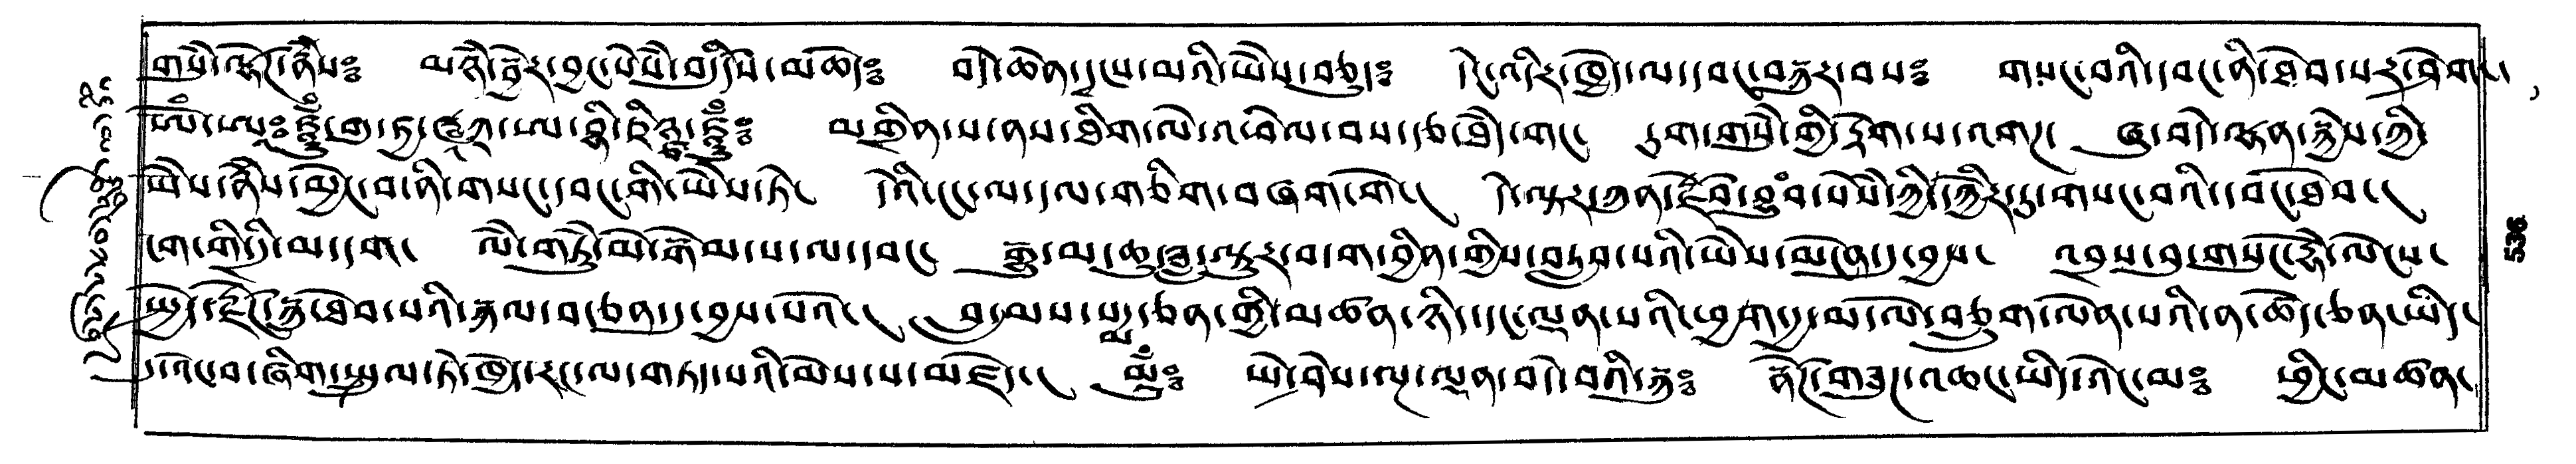གསུམ་ལྷ་ཚོགས་རྣམས༔ མཉམ་སྦྱོར་བྱང་སེམས་བདུད་རྩིས་མཆོད༔ བདེ་ཆེན་དྭངས་མའི་ཡེ་ཤེས་བཅུད༔ དེང་འདིར་ཁྱོད་ལ་དབང་བསྐུར་བས༔ གསང་བའི་དབང་ནི་ཐོབ་པར་ཤོག 
ཨོཾ་ཨཱཿཧཱུྃ་གུ་ཧྱ་ཝཱཀ་ཨ་བྷི་རིཉྩ་ཧཱུྃ༔ མགྲིན་པ་ནས་ཐིག་ལེ་འཕེལ་བས་རྩ་ཐམས་ཅད་གང་། དུག་གསུམ་གྱི་རྟོག་པ་འགགས། ཞུ་བདེ་ལྷན་སྐྱེས་ཀྱི་
ཡེ་ཤེས་རྣམས་མྱོང་བ་ནི་གསང་དབང་གི་ཡེ་ཤེས་ཏེ། དེའི་ངང་ལ་དལ་གཅིག་བཞག་གོ།། དེ་ལྟར་ཀུན་རྫོབ་བྱང་ཆུབ་སེམས་ཀྱི་དཀྱིལ་འཁོར་དུ་གསང་བའི་དབང་ཐོབ། 
ངག་གི་དྲི་མ་དག ལམ་གཏུམ་མོ་སྒོམ་པ་ལ་དབང་། སྒྱུ་མ་ཆུ་ཟླ་ལྟ་བུར་བདག་བྱིན་གྱིས་བརླབས་པའི་ཡེ་ཤེས་མངོན་དུ་བྱས། འབྲས་བུ་གསུང་རྡོ་རྗེ་ལོངས་
སྤྱོད་རྫོགས་སྐུ་ཐོབ་པའི་སྐལ་བ་ཅན་དུ་བྱས་པའོ།། །བླ་མས་པདྨ་ཅན་གྱི་མཚན་ཉིད་དང་ལྡན་པའི་ཕྱག་རྒྱ་མ་ལོ་བཅུ་དྲུག་ལོན་པའི་ན་ཚོད་ཅན་ཡིད་
དུ་འོང་བ་ཞིག་སྤྲུལ་ཏེ་ཁྱོད་རང་ལ་གཏད་པའི་མོས་པ་མཛོད། མཱུྃ༔ ཡེ་ཤེས་ལྔ་ལྡན་བདེ་བའི་སྐུ༔ སྣ་ཚོགས་གཟུགས་འཆང་ཡིད་འོང་མ༔ ཕྱི་ནང་མཚན་